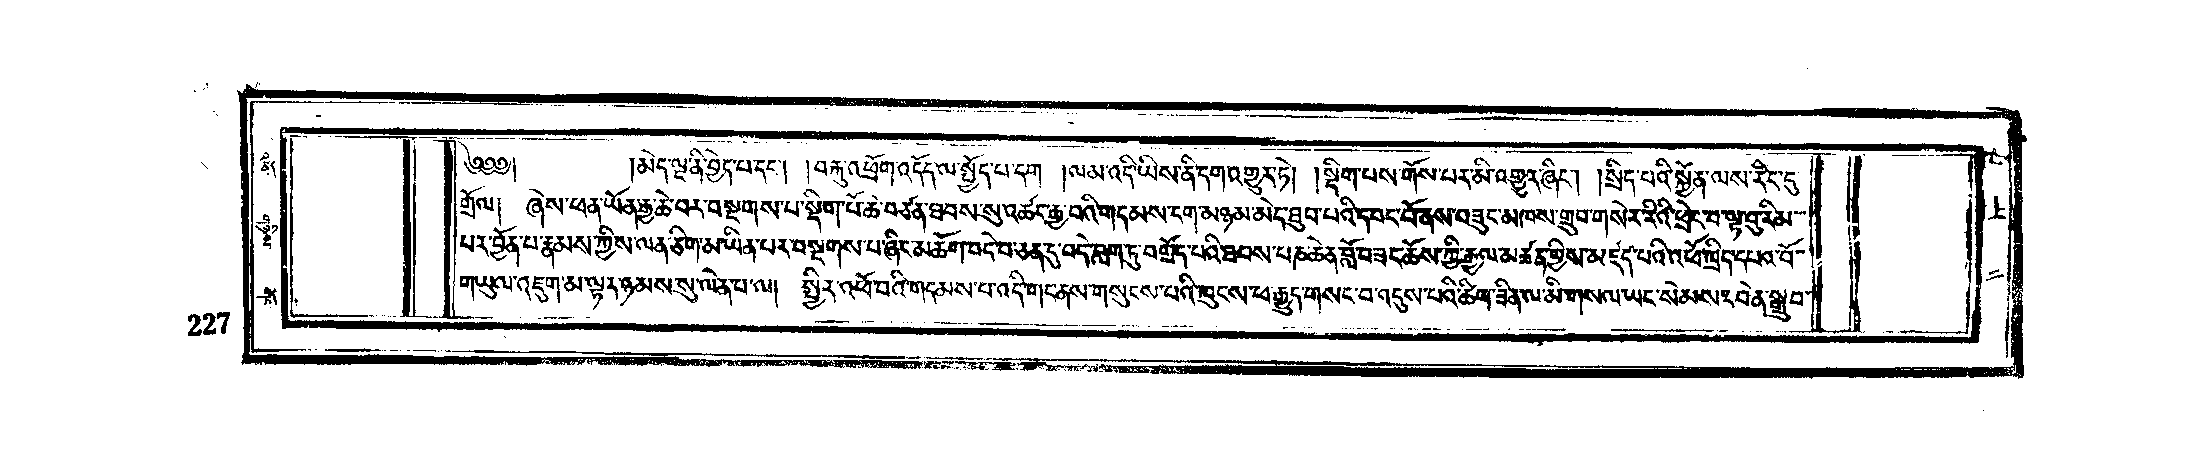༄༅༅། །མེད་ལྔ་ནི་བྱེད་པ་དང་། །བརྐུ་འཕྲོག་འདོད་ལ་སྤྱོད་པ་དག །ལམ་འདི་ཡིས་ནི་དག་འགྱུར་ཏེ། །སྡིག་པས་གོས་པར་མི་འགྱུར་ཞིང་། །སྲིད་པའི་སྐྱོན་ལས་རིང་དུ་
གྲོལ། ཞེས་ཕན་ཡོན་རྒྱ་ཆེ་བར་བསྔགས་པ་སྡིག་པོ་ཆེ་བཙན་ཐབས་སུ་འཚང་རྒྱ་བའི་གདམས་ངག་མཉམ་མེད་ཐུབ་པའི་དབང་པོ་ནས་བཟུང་མཁས་གྲུབ་གསེར་རིའི་ཕྲེང་བ་ལྟ་བུ་རིམ་
པར་བྱོན་པ་རྣམས་ཀྱིས་ལན་ཅིག་མ་ཡིན་པར་བསྔགས་པ་ཞིང་མཆོག་བདེ་བ་ཅན་དུ་བདེ་བླག་ཏུ་བགྲོད་པའི་ཐབས་པཎ་ཆེན་བློ་བཟང་ཆོས་ཀྱི་རྒྱལ་མཚན་གྱིས་མཛད་པའི་འཕོ་ཁྲིད་དཔའ་བོ་
གཡུལ་འཇུག་མ་ལྟར་ཉམས་སུ་ལེན་པ་ལ། སྤྱིར་འཕོ་བའི་གདམས་པ་འདི་གང་ནས་གསུངས་པའི་ཁུངས་ཕ་རྒྱུད་གསང་བ་འདུས་པའི་ཚིག་ཟིན་ལ་མི་གསལ་ཡང་སེམས་དབེན་སྒྲུབ་